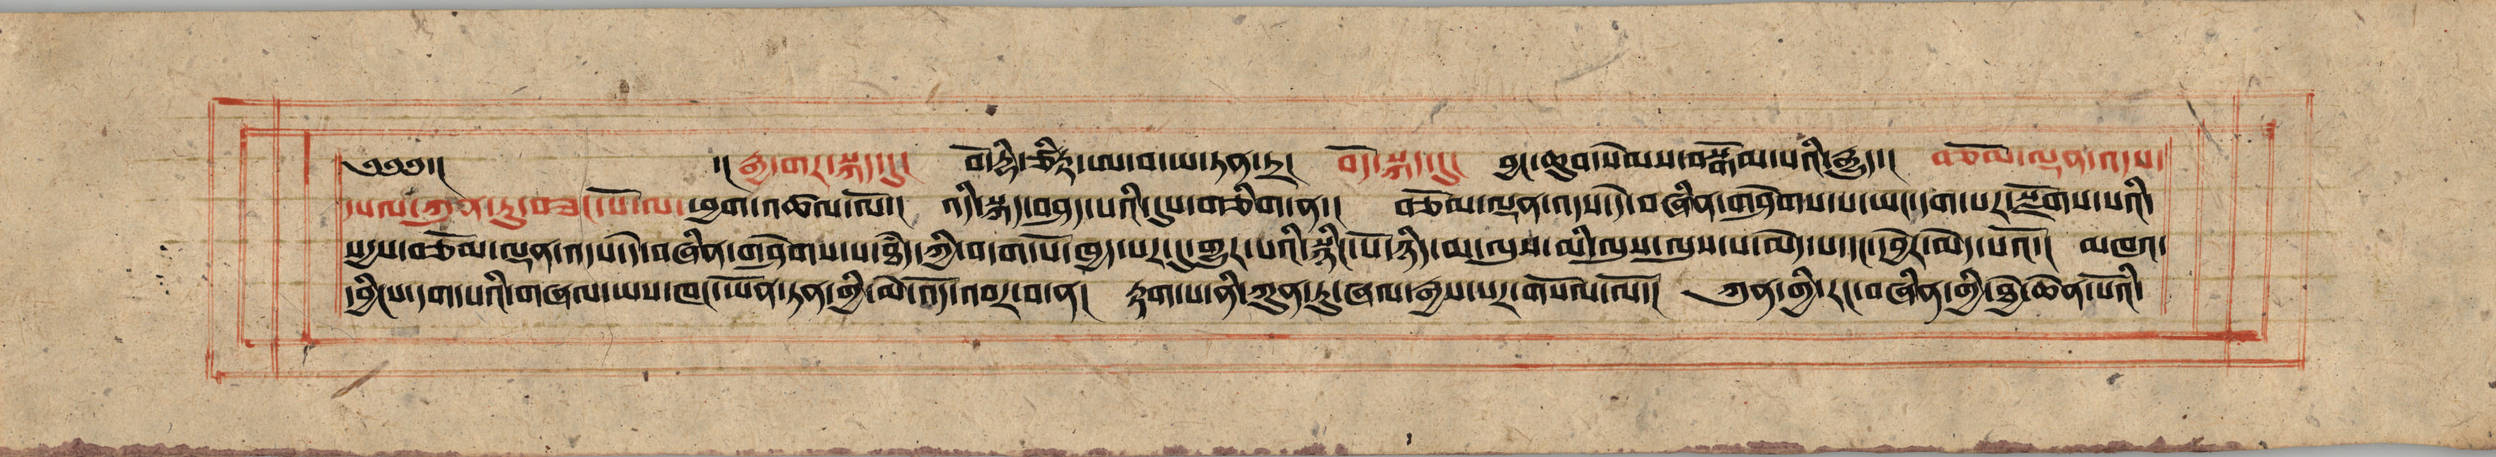༄༅༅་། ་།རྒྱ་གར་སྐད་དུ། བོ་དྷི་ཙིཏྟ་ཨ་བ་ཡ་ཏན་ཏྲ། བོད་སྐད་དུ། བྱང་ཆུབ་སེམས་བསྒོམ་པའི་རྒྱུད་། བཅོམ་ལྡན་འདས་
དཔལ་ཀུན་ཏུ་བཟང་པོ་ལ་ཕྱག་འཚལ་ལོ་། འདི་སྐད་བཤད་པའི་དུས་གཅིག་ན་། བཅོམ་ལྡན་འདས་དེ་བཞིན་གཤེགས་པ་ཡང་དག་པར་སྫོགས་པའི་
སདྱས་བཅོམ་ལྡན་འདས་དེ་བཞིན་གཤེགས་པ་ཐཾད་ཀྱི་བདག་པོ་ཁྱད་པར་དུ་གྱུར་པའི་སྙིང་པོ་ཉིད་མ་ལུས་མི་ལུས་ལུས་པ་མེད་པ་དང་དབྱེར་མེད་པའོ་། མཁའ་
དབྱིངས་དག་པའི་གཞལ་ཡས་ཁང་ཡོན་ཏན་གྱི་མེ་འོད་འབར་བ་ན། རྟག་པ་ནི་ཀུན་ཏུ་ཞལ་རྒྱས་པར་གསོལ་ལོ་། ཀུན་གྱི་རང་བཞིན་གྱི་ཐྱེ་ཆེན་པོའི་